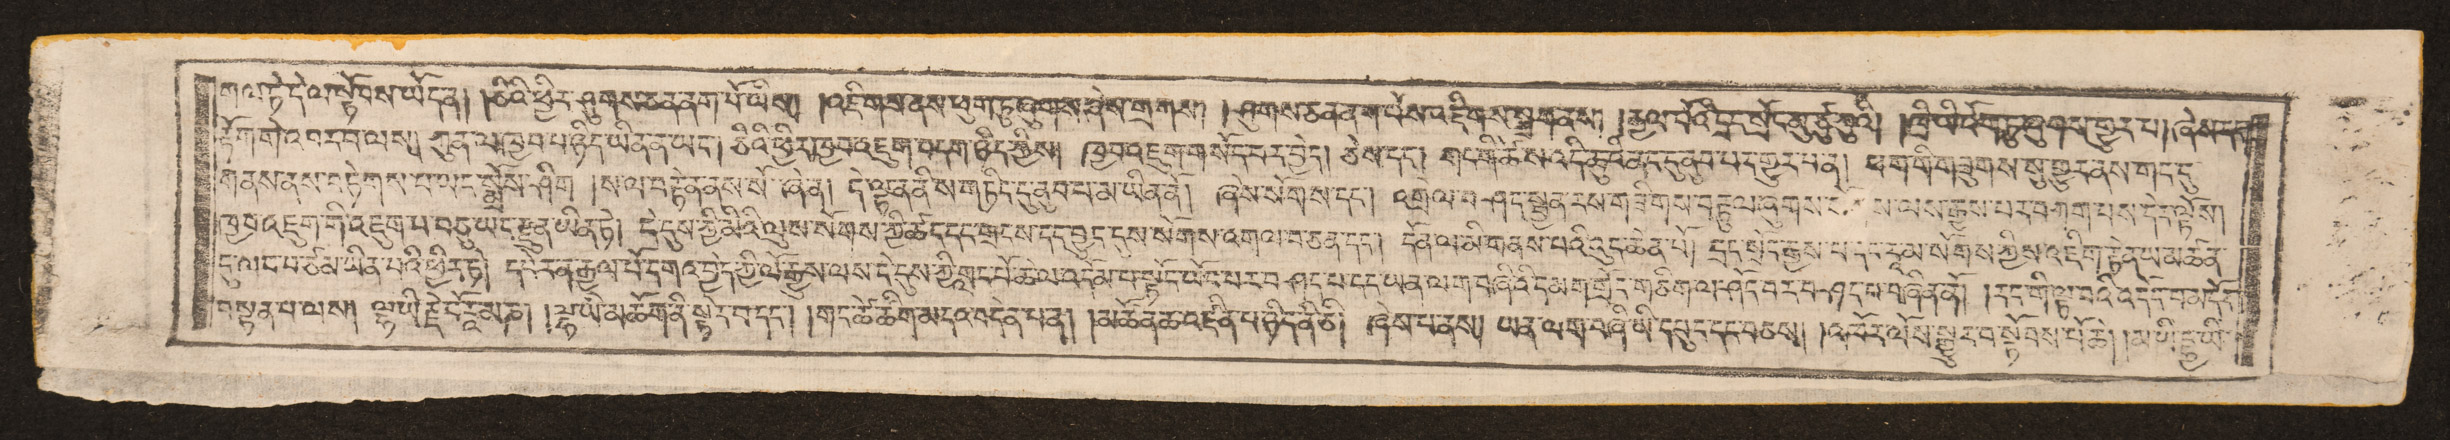གལ་ཏེ་དེ་ལ་སྟོབས་ཡོད་ན། །ཅིའི་ཕྱིར་ཤུགས་ཅན་ནག་པོ་ཡིས། །འཇིགས་ནས་ཕུག་ཏུ་ཞུགས་ཞེས་གྲགས། །ཤུགས་ཅན་ནག་པོས་འཇིགས་སྐྲག་ནས། །རྒྱལ་པོའི་དྲང་སྲོང་མུ་ཙུ་ཀུའི། །ཁྲི་ཡི་འོག་ཏུ་ཞུགས་གྱུར་པ། ཞེས་དང་
རྟོག་གེ་འབར་བ་ལས། ཀུན་ལ་ཁྱབ་པ་ཉིད་ཡིན་ན་ཡང་། ཅིའི་ཕྱིར་ཁྱབ་འཇུག་བདག་ཉིད་ཀྱིས། ཁྱབ་འཇུག་གསོད་པར་བྱེད། ཅེས་དང་། གང་གི་ཚེས་འདི་ཆུའི་ནང་དུ་ནུབ་པར་གྱུར་པ་ན། ཕག་གི་གཟུགས་སུ་གྱུར་ནས་གང་དུ་
གནས་ནས་བཏེགས་པ་ཡང་སྨྲོས་ཤིག །ས་ལ་བརྟེན་ནས་སོ་ཞེ་ན། དེ་ལྟ་ན་ནི་ས་གཏིང་དུ་ནུབ་པ་མ་ཡིན་ནོ། ཞེས་སོགས་དང་། འགྲེལ་བཤད་སྤྱན་རས་གཟིགས་བརྟུལ་ཞུགས་སོགས་ལས་རྒྱས་པར་བཀག་པས་དེར་ལྟོས།
ཁྱབ་འཇུག་གི་འཇུག་པ་བཅུ་ཡང་རྫུན་ཡིན་ཏེ། དེ་དུས་ཀྱི་མིའི་ལུས་སོགས་ཀྱི་ཚད་དང་གྲངས་དང་བྱུང་དུས་སོགས་འགལ་བ་ཅན་དང་། དོན་ལ་མི་གནས་པའི་འུད་ཆེན་པོ། དྲང་སྲོང་རྒྱས་པ་དང་རཱ་མ་སོགས་ཀྱིས་འཇིག་རྟེན་ཡ་མཚན་
དུ་ལབ་པ་ཙམ་ཡིན་པའི་ཕྱིར་ཏེ། དཔེར་ན་རྒྱལ་པོ་དགའ་བྱེད་ཀྱི་ལོ་རྒྱུས་ལས་དེ་དུས་ཀྱི་གླང་པོ་ཆེ་ལ་འདོམ་པ་སྟོང་ཡོད་པར་བཤད་པ་དང་ཡན་ལག་བཞིའི་དམག་གྲོང་གཅིག་ལ་ཤོང་བར་བཤད་པ་བཞིན་ནོ། །རང་གི་ལྟ་བའི་འདོད་པ་མདོར་
བསྟན་པ་ལས། ལྷ་ཡི་རྗེ་བོ་རཱ་མ་ཎ། །ལྷ་ཡི་མཆོག་ནི་སྟེར་བ་དང་། །གང་ཚེ་ཚིག་མདའ་བདེན་པ་ན། །མཚོན་ཆ་འཛིན་པ་ཉིད་ནི་ཅི། ཞེས་པ་ནས། ཡན་ལག་བཞི་ཡི་དཔུང་དང་བཅས། །འཁོར་ལོས་སྒྱུར་བ་སྟོབས་པོ་ཆེ། །མ་ཡི་དྷྱ་ཡི་